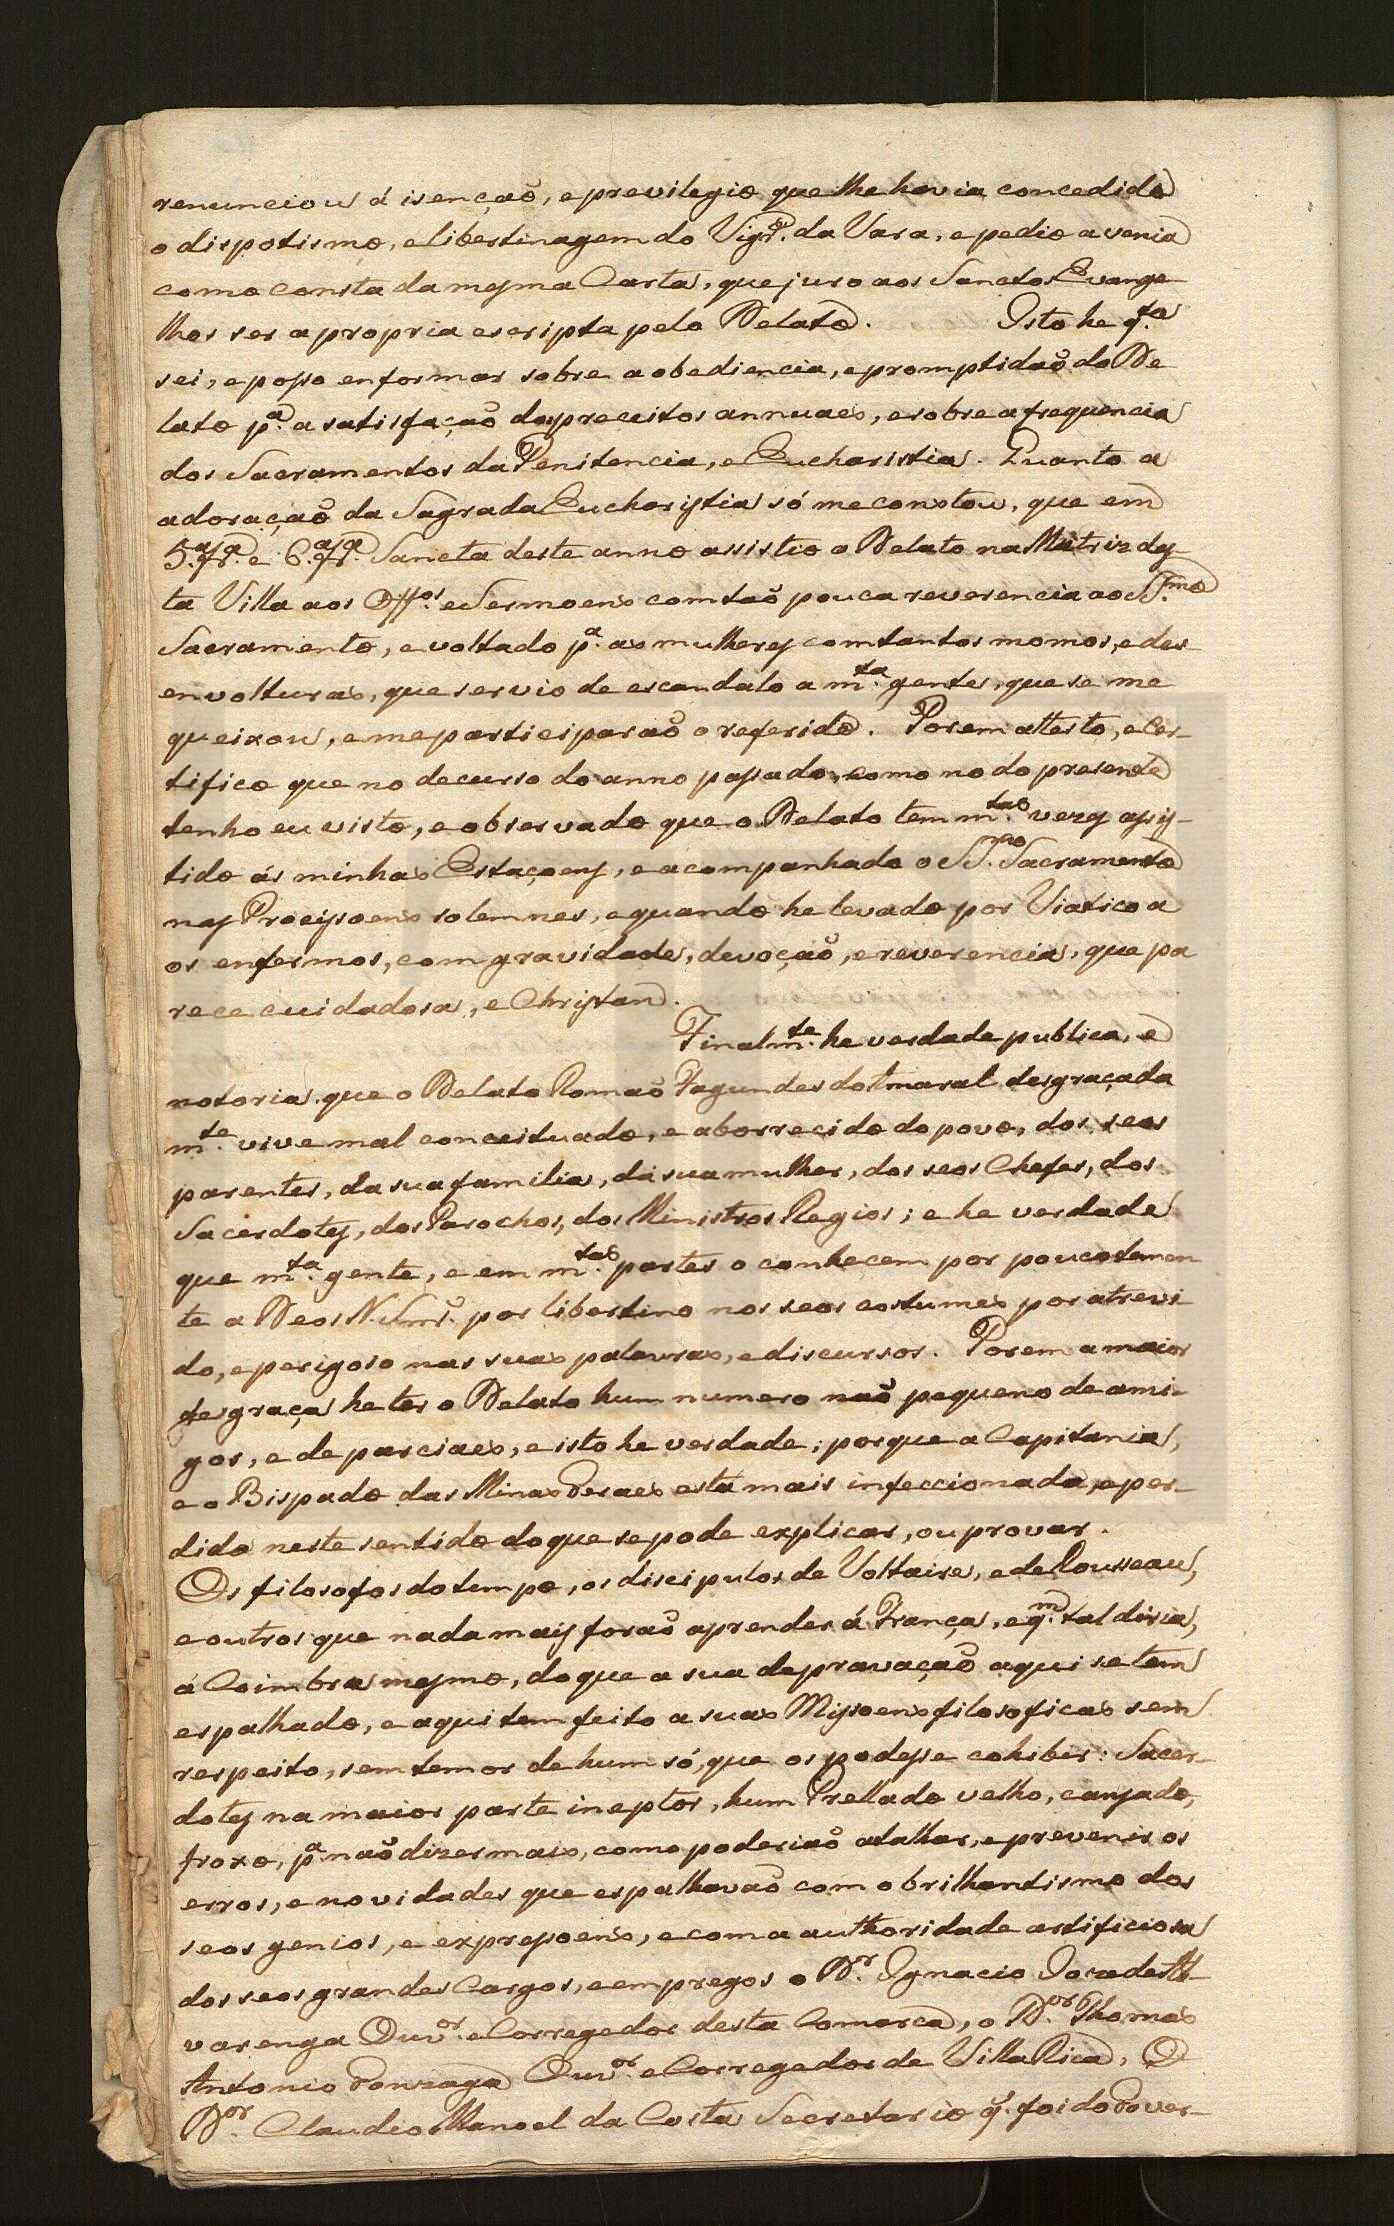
renunciou á isençaõ, e previlegio que lhe havia concedido
o dispotismo, e libertinagem do Vigr.o da Vara, e pedio a venia
como consta da mesma Carta, que juro aos Sanctos Evange
lhos ser a propria escripta pelo Delato.
Isto he q.to
sei, e posso enformar sobre a obediencia, e promptidaõ do De
lato p.a a satisfaçaõ dos preceitos annuaes, e sobre a frequencia
dos Sacramentos da Penitencia, e Eucharistia. Quanto a
adoraçaõ da Sagrada Eucharistia só me constou, que em
5.a fr.a e 6.a fr.a Sancta deste anno assistio o Delato na Matriz des
ta Villa aos Off.os e Sermoens com taõ pouca reverencia ao SS.mo
Sacramento, e voltado p.a as mulheres com tantos momos, e des
envolturas, que servio de escandalo a m.ta gente, que se me
queixou, e me participaraõ o referido. Porem attesto, e Cer
tifico que no decurso do anno passado, como no do presente
tenho eu visto, e observado que o Delato tem m.tas vezes assis
tido ás minhas Estaçoens, e acompanhado o SS.mo Sacramento
nas Procissoens solemnes, e quando he levado por Viatico a
os enfermos, com gravidade, devoçaõ, e reverencia, que pa
rece cuidadosa, e Christan.
Finalm.te he verdade publica, e
notoria que o Delato Romaõ Fagundes do Amaral desgraçada
m.te vive mal conceituado, e aborrecido do povo, dos seos
parentes, da sua familia, da sua mulher, dos seos Chefes, dos
Sacerdotes, dos Parochos, dos Ministros Regios; e he verdade
que m.ta gente, e em m.tas partes o conhecem por pouco temen
te a Deos N. Snr̄. por libertino nos seos costumes por atrevi
do, e perigoso nas suas palavras, e discursos. Porem a maior
desgraça he ter o Delato hum numero naõ pequeno de ami
gos, e de parciaes, e isto he verdade; porque a Capitania,
e o Bispado das Minas Geraes esta mais infeccionado, e per
dido neste sentido do que se pode explicar, ou provar.
Os filosofos do tempo, os discipulos de Voltaire, e de Rousseau,
e outros que nada mais foraõ aprender á França, e q.m tal diria,
á Coimbra mesmo, do que a sua depravaçaõ aqui se tem
espalhado, e aqui tem feito a suas Missoens filosoficas sem
respeito, sem temor de hum só, que os podesse cohibir: Sacer
dotes na maior parte ineptos, hum Prellado velho, cansado,
froxo, p.a naõ dizer mais, como poderiaõ atalhar, e prevenir os
erros, e novidades que espalhavaõ com o brilhantismo dos
seos genios, e expressoens, e com a authoridade artificiosa
dos seos grandes Cargos, e empregos o D.or Ignacio Ioze de Al
varenga Ouv.or e Corregedor desta Comarca, o D.or Thomas
Antonio Gonzaga Ouv.or e Corregedor de Villa Rica, O
D.or Claudio Manoel da Costa Secretario q̄. foi do Gover
